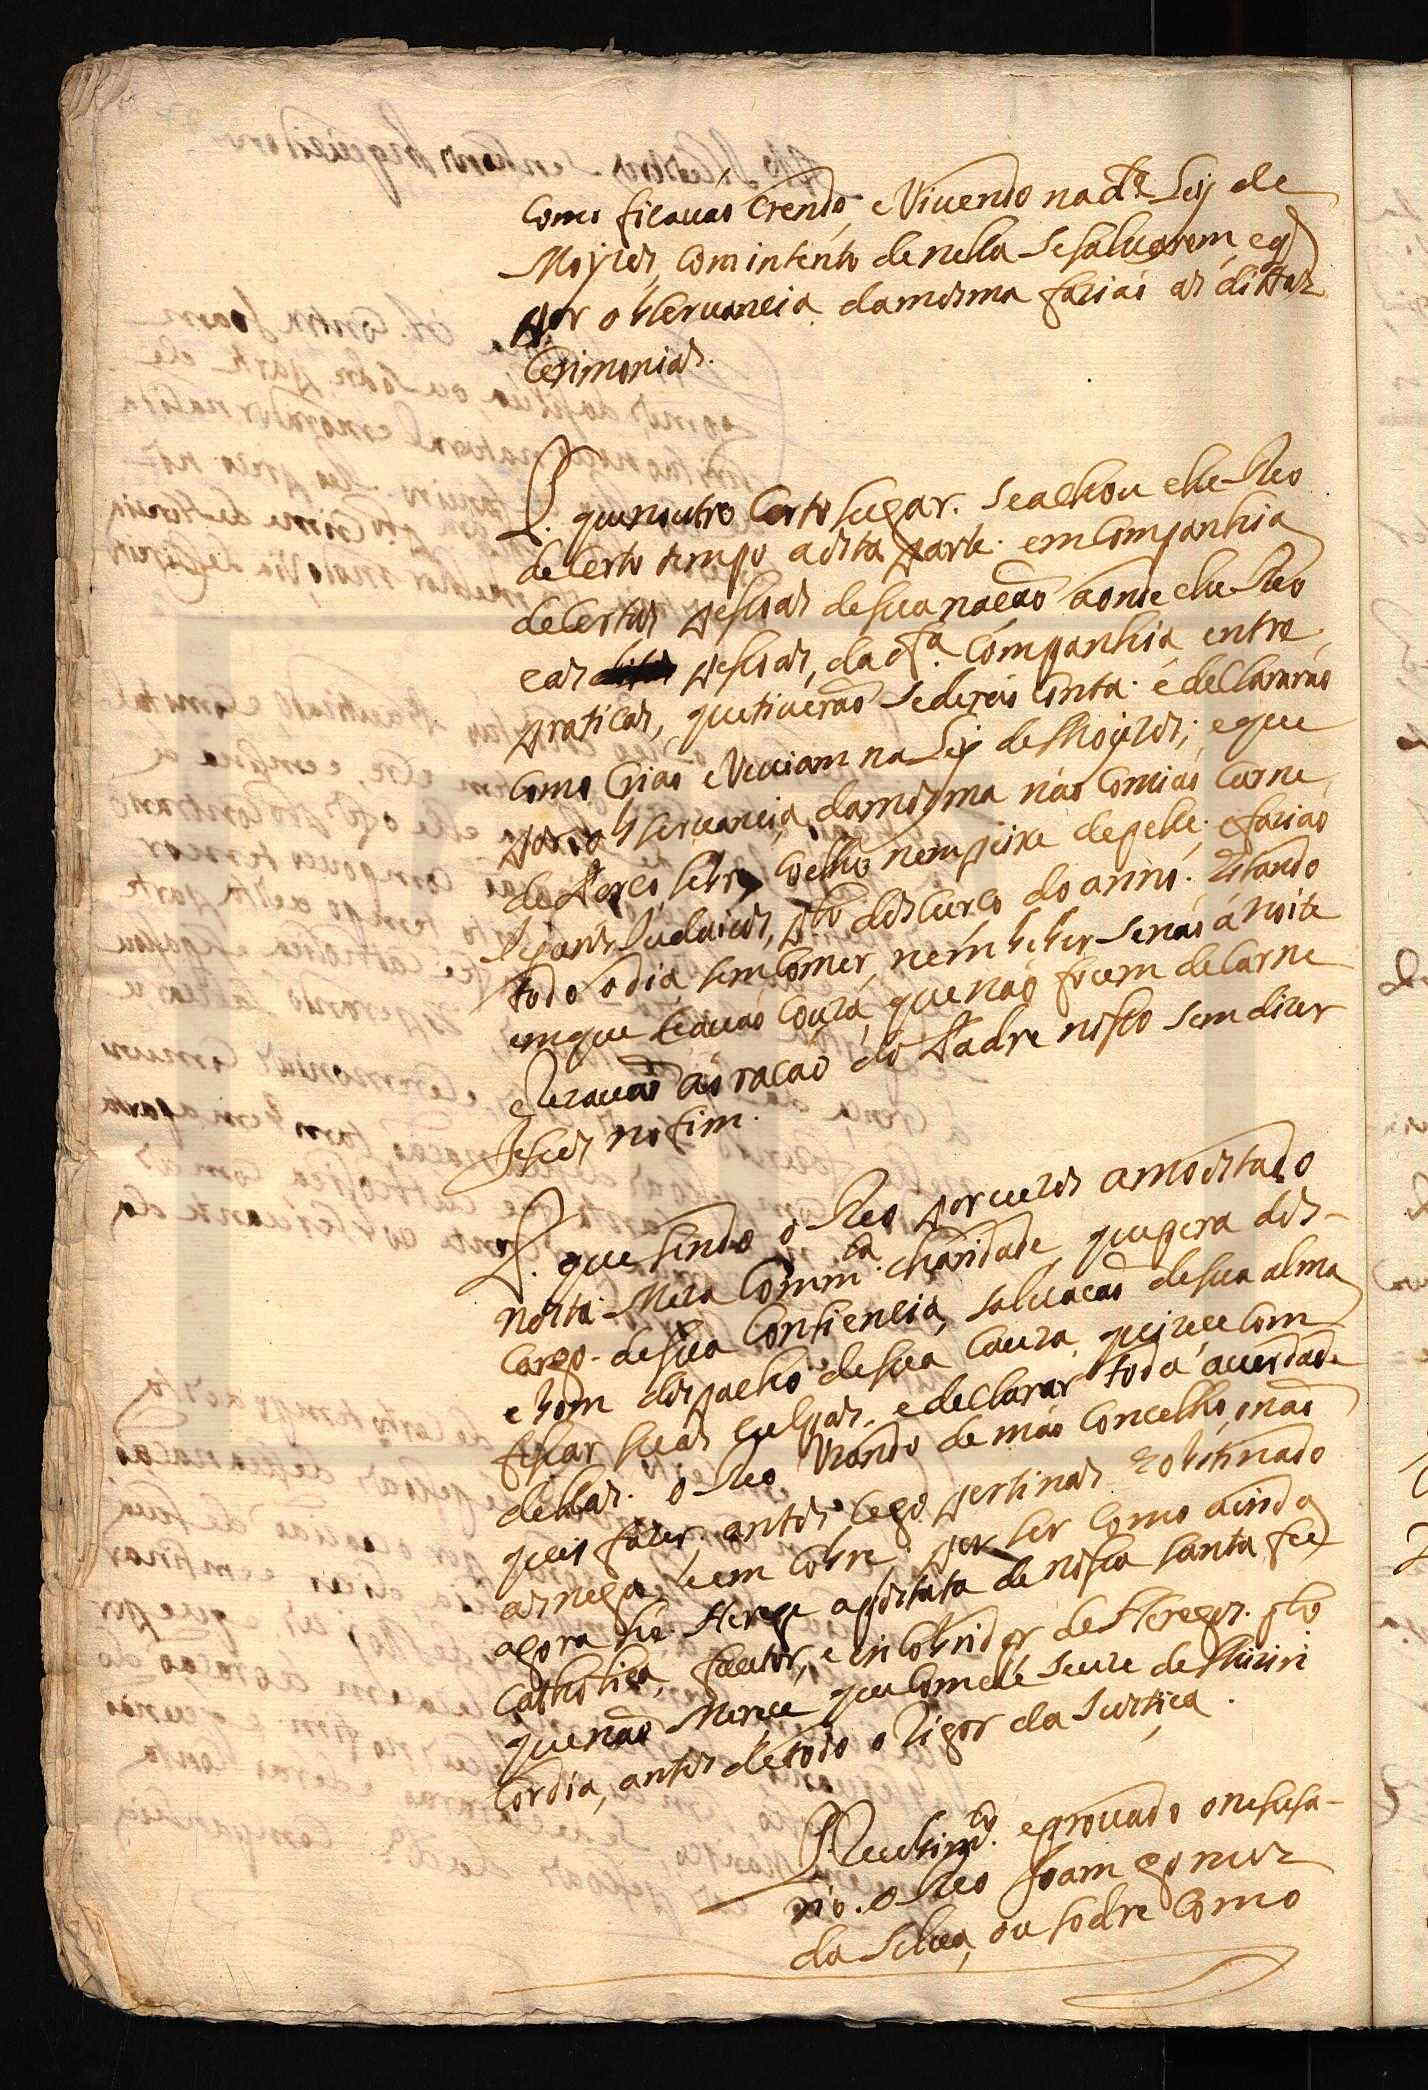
como ficauão crendo, e Viuendo na d.a Ley de
Moyzes, com intento de nella se saluarem, e q̄
por obseruancia da mesma faziaõ as dittas
Cerimonias.
P. que noutro Certo Lugar. se achou elle Reo
de certo tempo a esta parte. em Companhia
de Certas pessoas de sua nação aonde elee Reo
e as _ pessoas, da d.a companhia, entre
praticas, que tiuerão se derão conta. e declararão
como crião e Viuiam na Ley de Moyzes; e que
por obseruançia da mesma não comiaõ carne,
de Porco, lebre, coelho nem peixe de pelle; e faziaõ
Iejuns Iudaicos, p.lo descurço do anno. Estando
todo o dia, sem comer, nem beber senão á noite
em que ceauaõ couza, que não focem de carne
e Rezauaõ a oracaõ do Padre nosso sem dizer
Jesus no fim.
P. que sendo o Reo por uezes amoestado
nesta Meza Com m.ta charidade, que pera des
cargo. de sua Consiencia, saluacaõ de sua alma
e bom despacho de sua cauza, quizeçe com
fessar suas culpas. e declarar toda a uerdade
dellas. o Reo Vzando de máo Concelho, o não
quis fazer; antes cego pertinas E obstinado
as nega, e emcobre; por ser como ainda
agora hé Herege apostata de nossa santa fee
Catholica, fautor, e encobridor de Hereges. plo
que não Mereçe que com elle se uze de Miziri
cordia, antes de todo o Rigor da Justiça.
P. Recebim.to e prouado o nessesa
rio. o Reo Joam gomez
da Silua, ou sodre como
